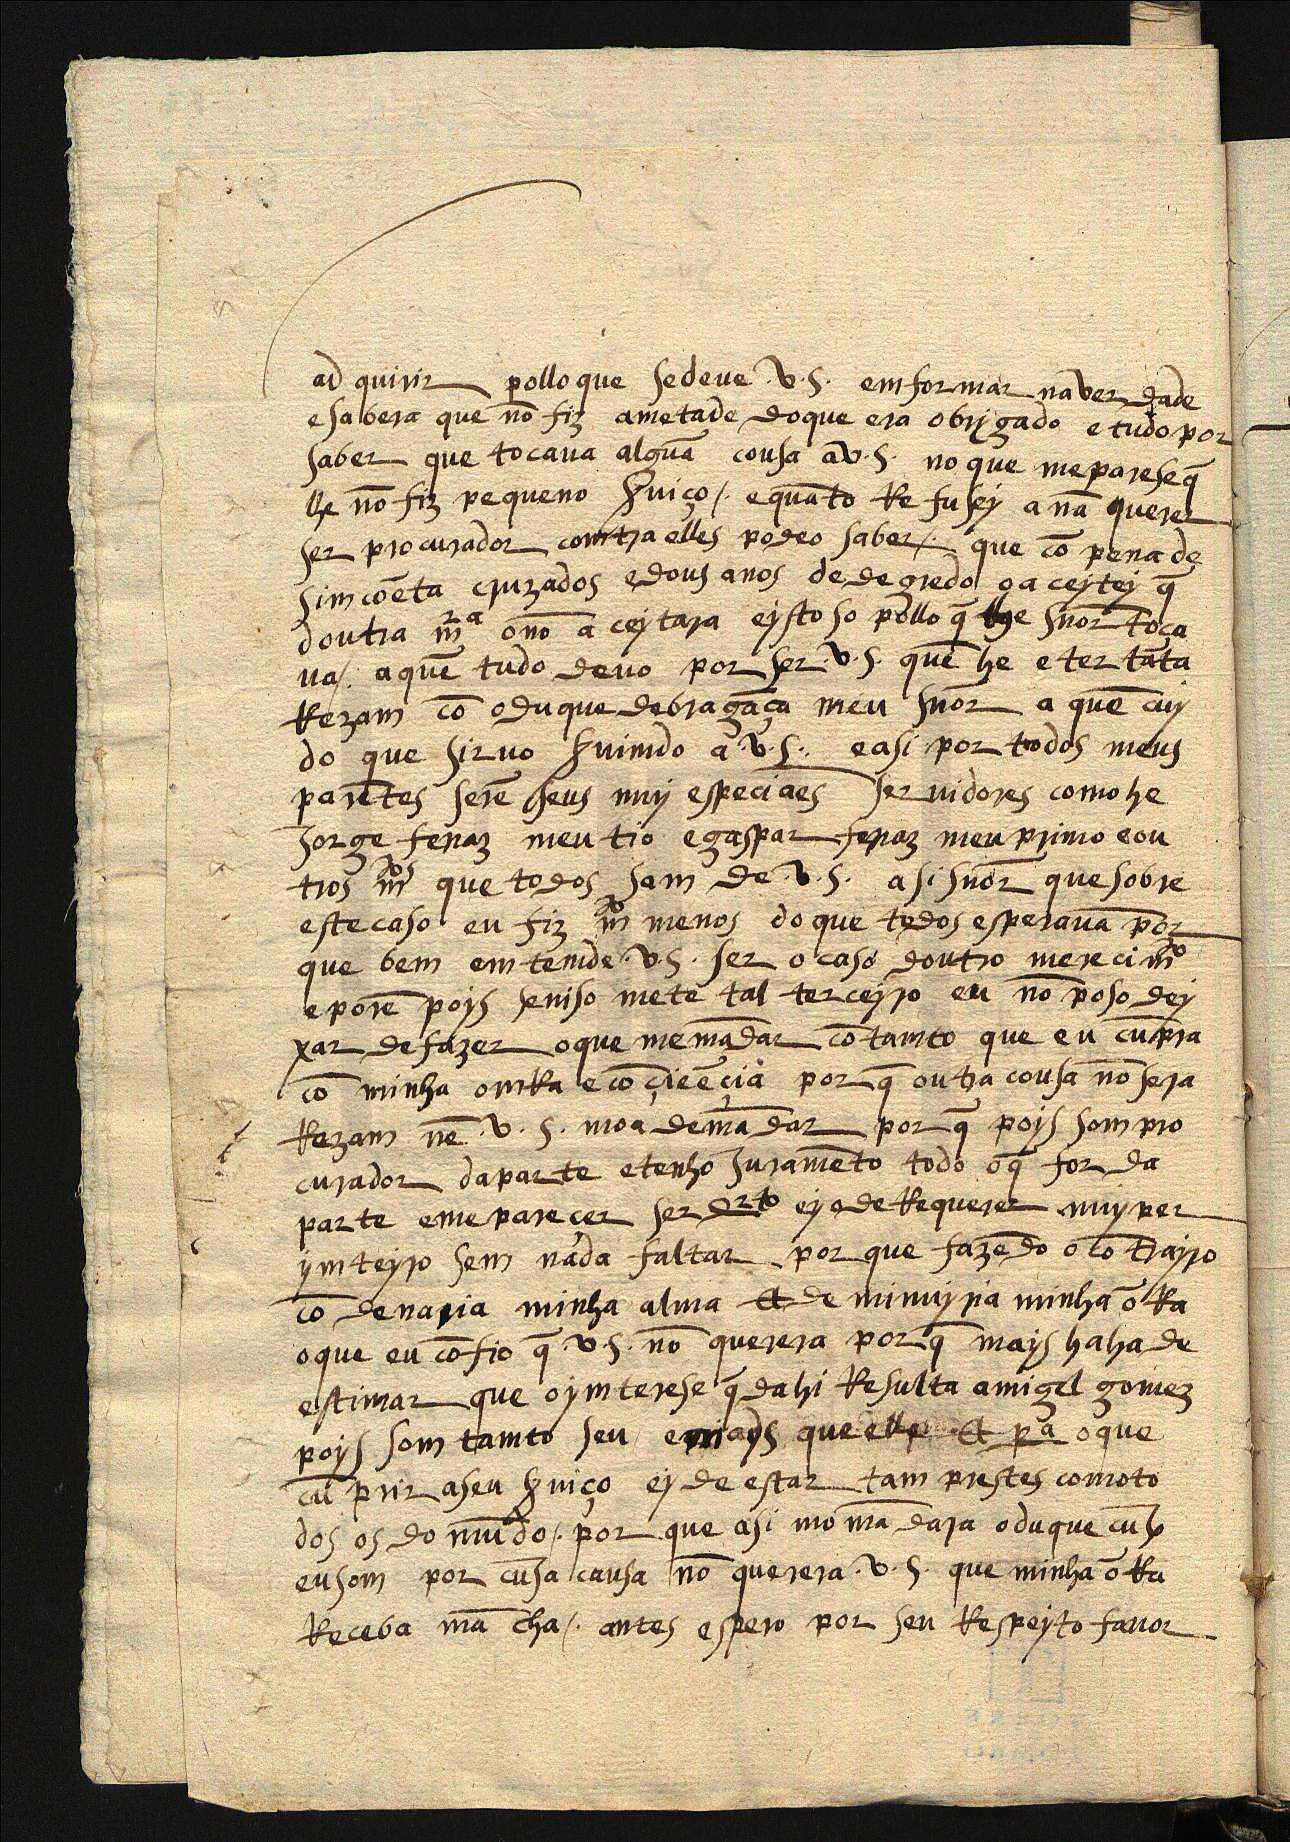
adquirir pollo que se deue V. s. emformar na verdade
e sabera que n̄o fiz a metade do que era obrigado e tudo por
saber que tocaua algūa cousa a V. s. no que me parese q̄
lhe nō fiz pequeno ꞩuiço /. e qūato Refusey a nā querer
ser procurador comtra elles podeo saber /. que c̄o pena de
simcoēta cruzados e dous anos de degredo o aceytey q̄
doutra mra o n̄o aceytara e ysto so pollo q̄ lhe snōr toca
ua /. a quē tudo deuo por ser V. s. quē he e ter tāta
Rezam c̄o o duque de bragāça meu snōr a qūe cuy
do que siruo ꞩuindo a V. s. e asi por todos meus
parētes serē seus muy especiaes seruidores como he
Jorge ferraz meu tio e gaspar ferraz meu primo e ou
tros mtos que todos sam de .V. s. asi sn̄or que sobre
este caso eu fiz mto menos do que todos esperauā por
que bem emtemde V. s. ser o caso doutro merecimto
e porē poys se niso mete tal terceyro eu nō poso dey
xar de fazer o que me mādar c̄otamto que eu cūpra
c̄o minha omRa e c̄ociēcia porq̄ outra cousa nō sera
Rezam n̄e .V. s. mo a de m̄adar por q̄ poys som pro
curador da parte e tenho Juramēto todo o q̄ for da
parte e me parecer ser drto ey o de Requerer muy per
ymteyro sem nada faltar por que faz̄edo o c̄otrayro
c̄odenaria minha alma Et de minuyria minha ōRa
o que eu c̄ofio q̄ v. s. nō querera porq̄ mays ha ha de
estimar que o ymterese q̄ dahi Resulta a migel gomez
poys som tamto seu e mays que elle Et ꝑa o que
cūprir a seu ꞩuiço ey de estar tam prestes como to
dos os do mūdo /. porque asi mo m̄adara o duque cuJo
eu som por cuJa causa n̄o querera .V. s. que minha ōRa
Receba mācha /. antes espero por seu Respeyto fauor
